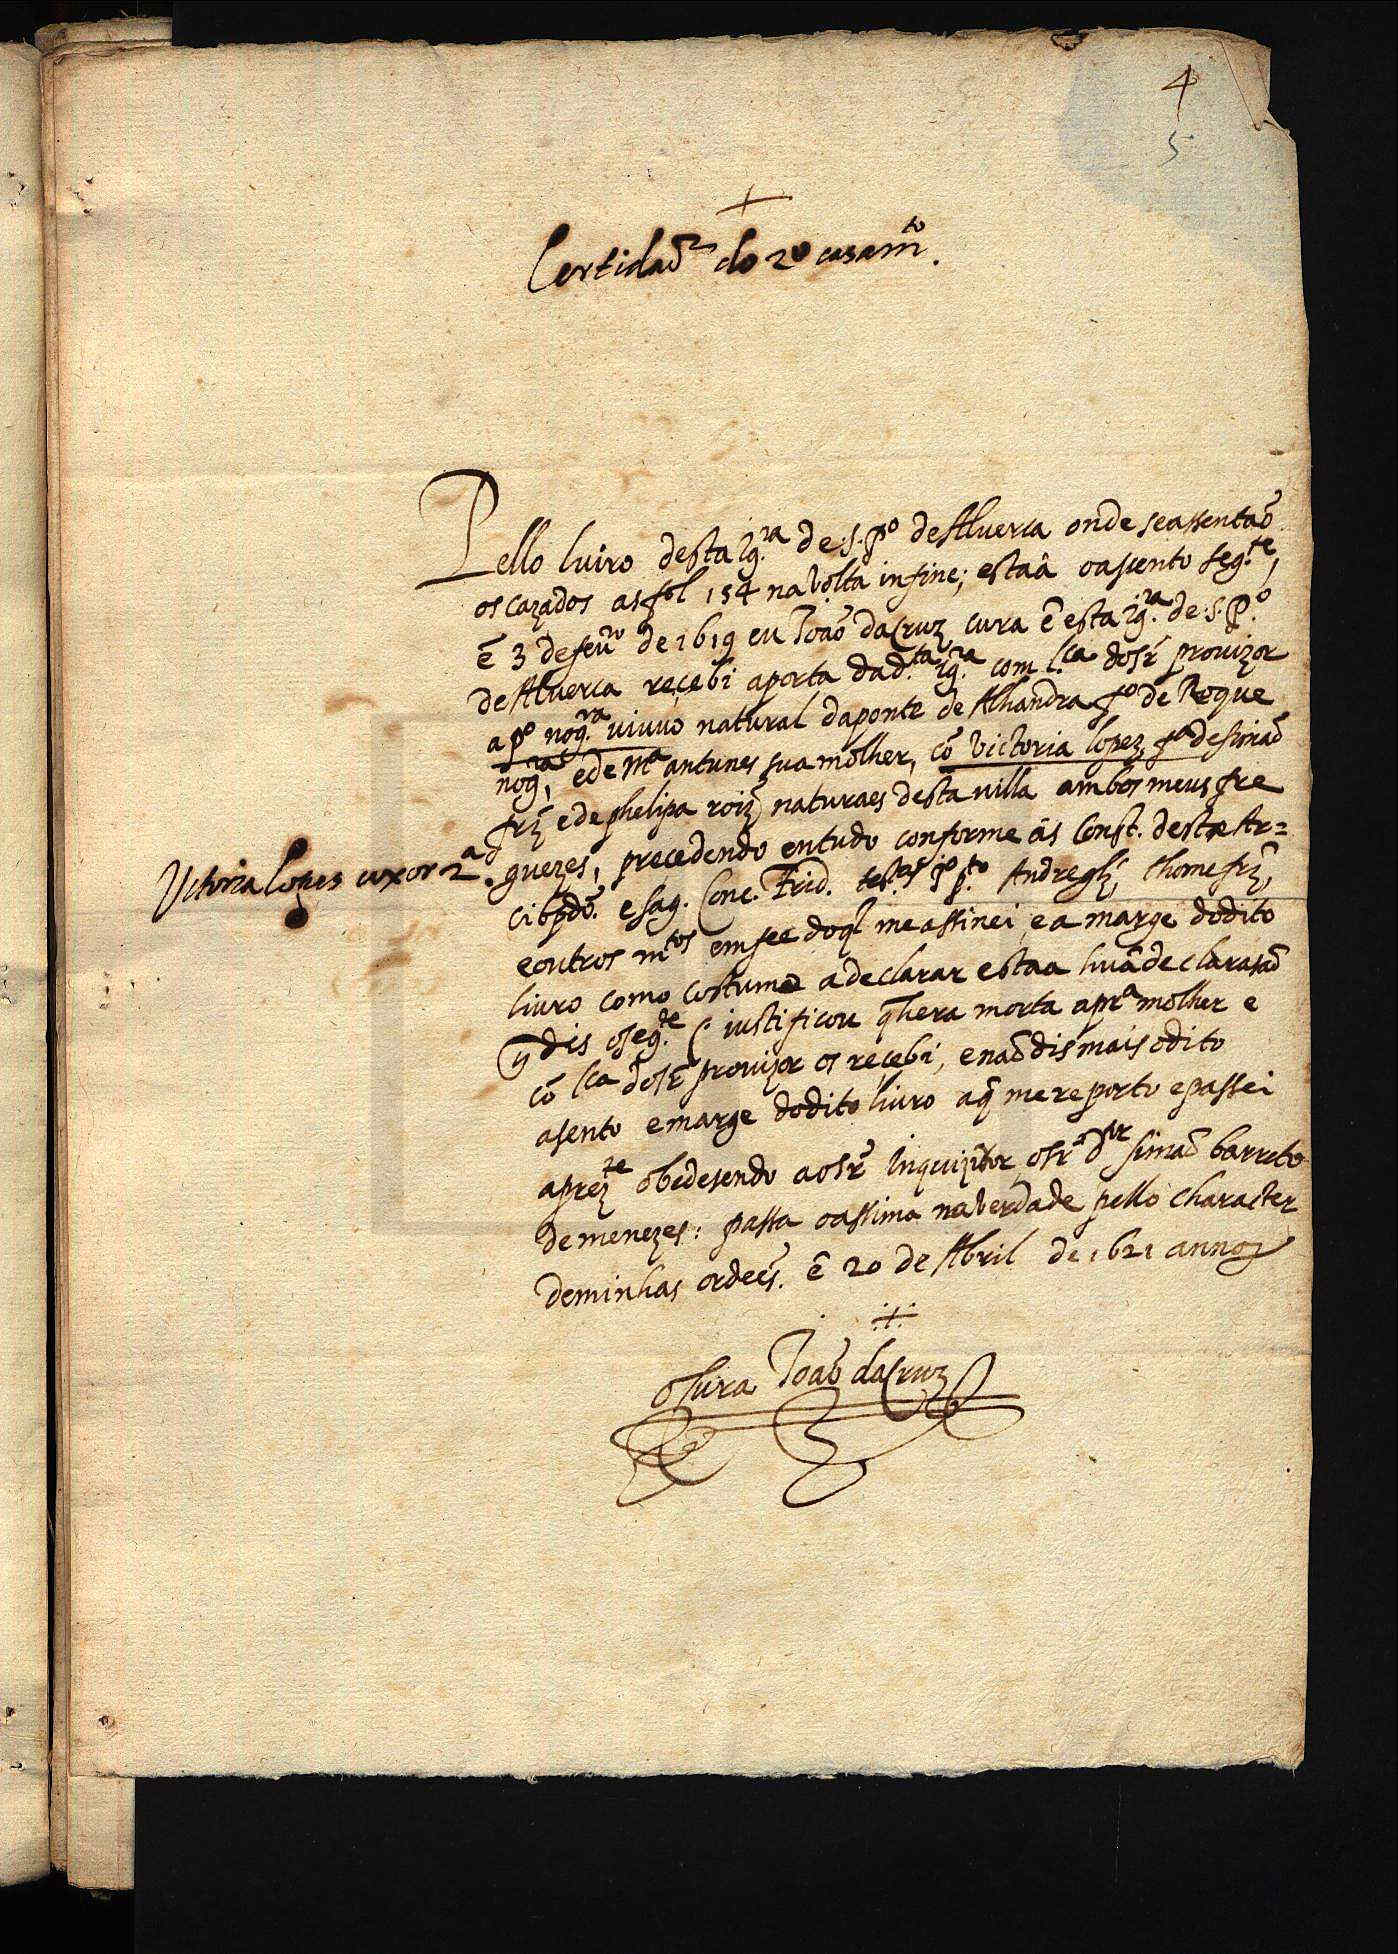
4
Certidaõ do 2o casamto.
Pello liuro desta Igra de S. Po de Aluerca onde se assentaõ
os cazados as fol 154 na volta in fine; estaá o assento seg.te
ē 3 de feuro de 1619 eu Ioaõ da Cruz cura ē esta ig.ra de .S. P.o
de Aluerca recebi a porta da d.ta ig.ra com l.ça do sr̄ prouizor
a po nog.ra uiuuo natural da ponte de Alhandra fo de Roque
nogra, e de ma antunes sua molher, cō victoria lopez fa de simaõ
frz̄ e de phelipa roiz̄ naturaes desta uilla ambos meus fre
Vitoria lopes uxor 2a.
guezes, precedendo en tudo conforme ás const. deste Ar
cibpdō. e sag. Conc. Trid. test.as Io p.to Andre glz̄, thome frz̄,
e outros mtos em fee do q̄ me assinei, e a marge do dito
liuro como costume a declarar estaa huā declarasaõ
q̄ dis o seg.te /. iustificou q̄ hera morta a pra molher e
cō lça dese prouizor os recebi, e naõ dis mais o dito
asento e marge do dito liuro a q̄ me reporto e passei
a prezte obedesendo ao sr̄ Inquizidor, o sr dtor Simaõ barreto
de menezes: passa o assima na verdade pello character
de minhas ordeēs. ē 20 de Abril de 1621 annos
o Cura Ioaõ da Cruz
